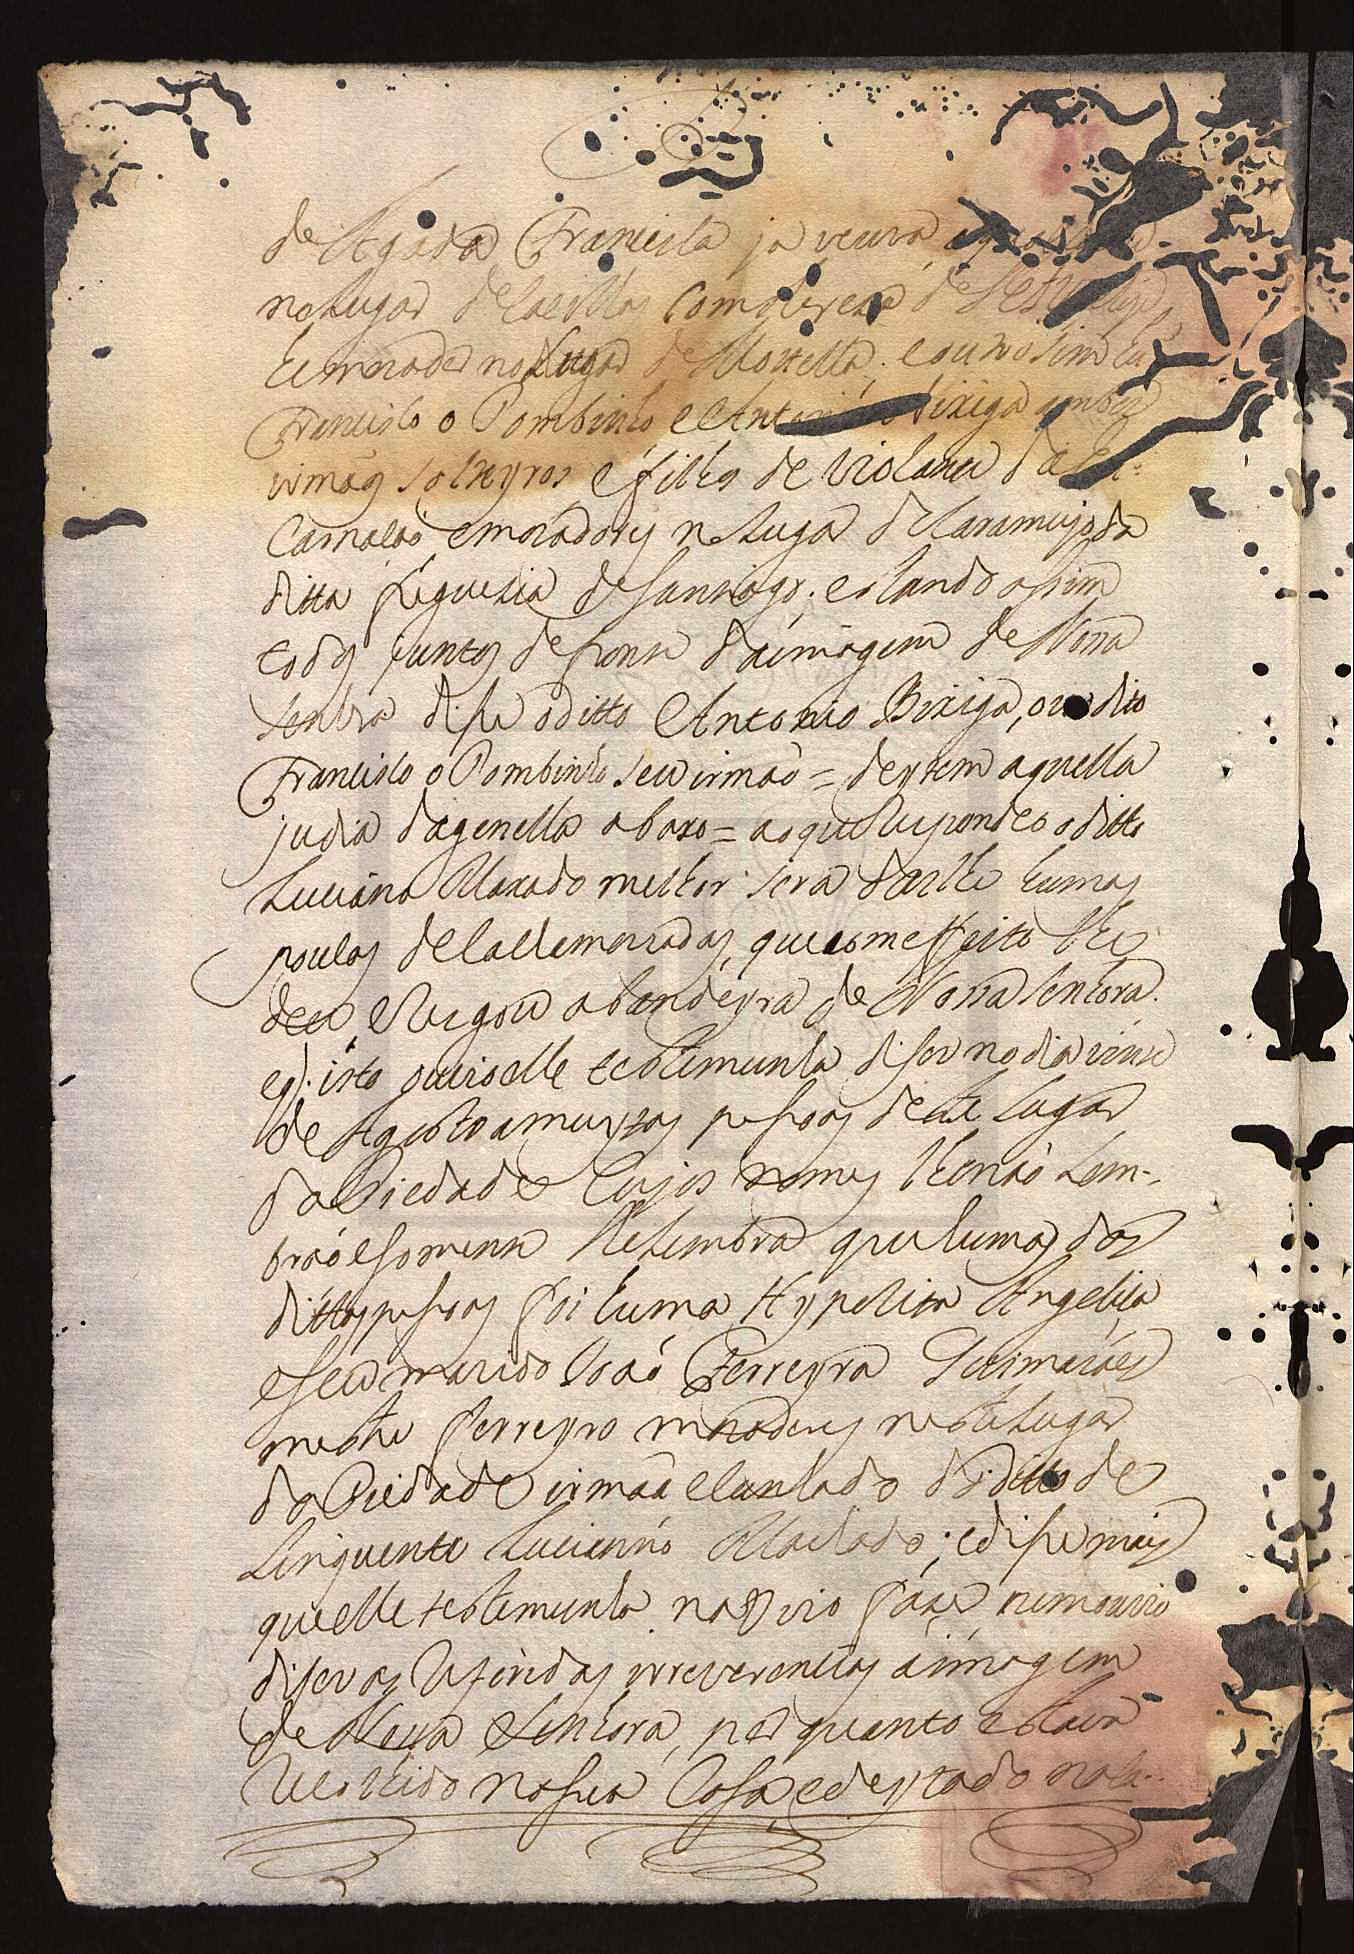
de Agada Francisca ja veuva,
no lugar de Cacilhas com tereza de
he morador no lugar de Mortella; e outrosim hū
Francisco o Pombinho, e Anton_ bixiga ambos
irmaõs solteyros e filhos de violante da E_
Carnaçaõ, e moradores no Lugar de Caramujo da
ditta freguezia de Santiago; estando assim
todos juntos defronte da imagem de Nossa
senhora disse o ditto Antonio Bixiga, ou_ dito
Francisco o Pombinho seu irmaõ = deytem aquella
judia da genella abaxo = ao que Respondeo o ditto
Luciano Maxado melhor sera darlhe humas
poucas de Cachamorradas, que com effeito lhe
deu, e Rasgou a bandeyra de Nossa Senhora.
e q̄. isto ouvio elle testemunha diser no dia vinte
de Agosto a muytas pessoas deste lugar
da Piedade Cujos nomes lhe naõ Lem
braõ e somente lhe lembra que humas das
dittas pessoas foi huma Hynezita Angelica
e seu marido Ioaõ Ferreyra Guimarães
mestre ferreyro moradores neste lugar
da Piedade irmaã, e cunhado do ditto de
Linquente Lucianno Machado; e disse mais
que elle testemunha naõ vio fazer, nem ouvio
diser as Referidas, irreverencias a imagem
de Nossa Senhora, porquanto estava
Recolhido na sua Casa, e deytado na ca
